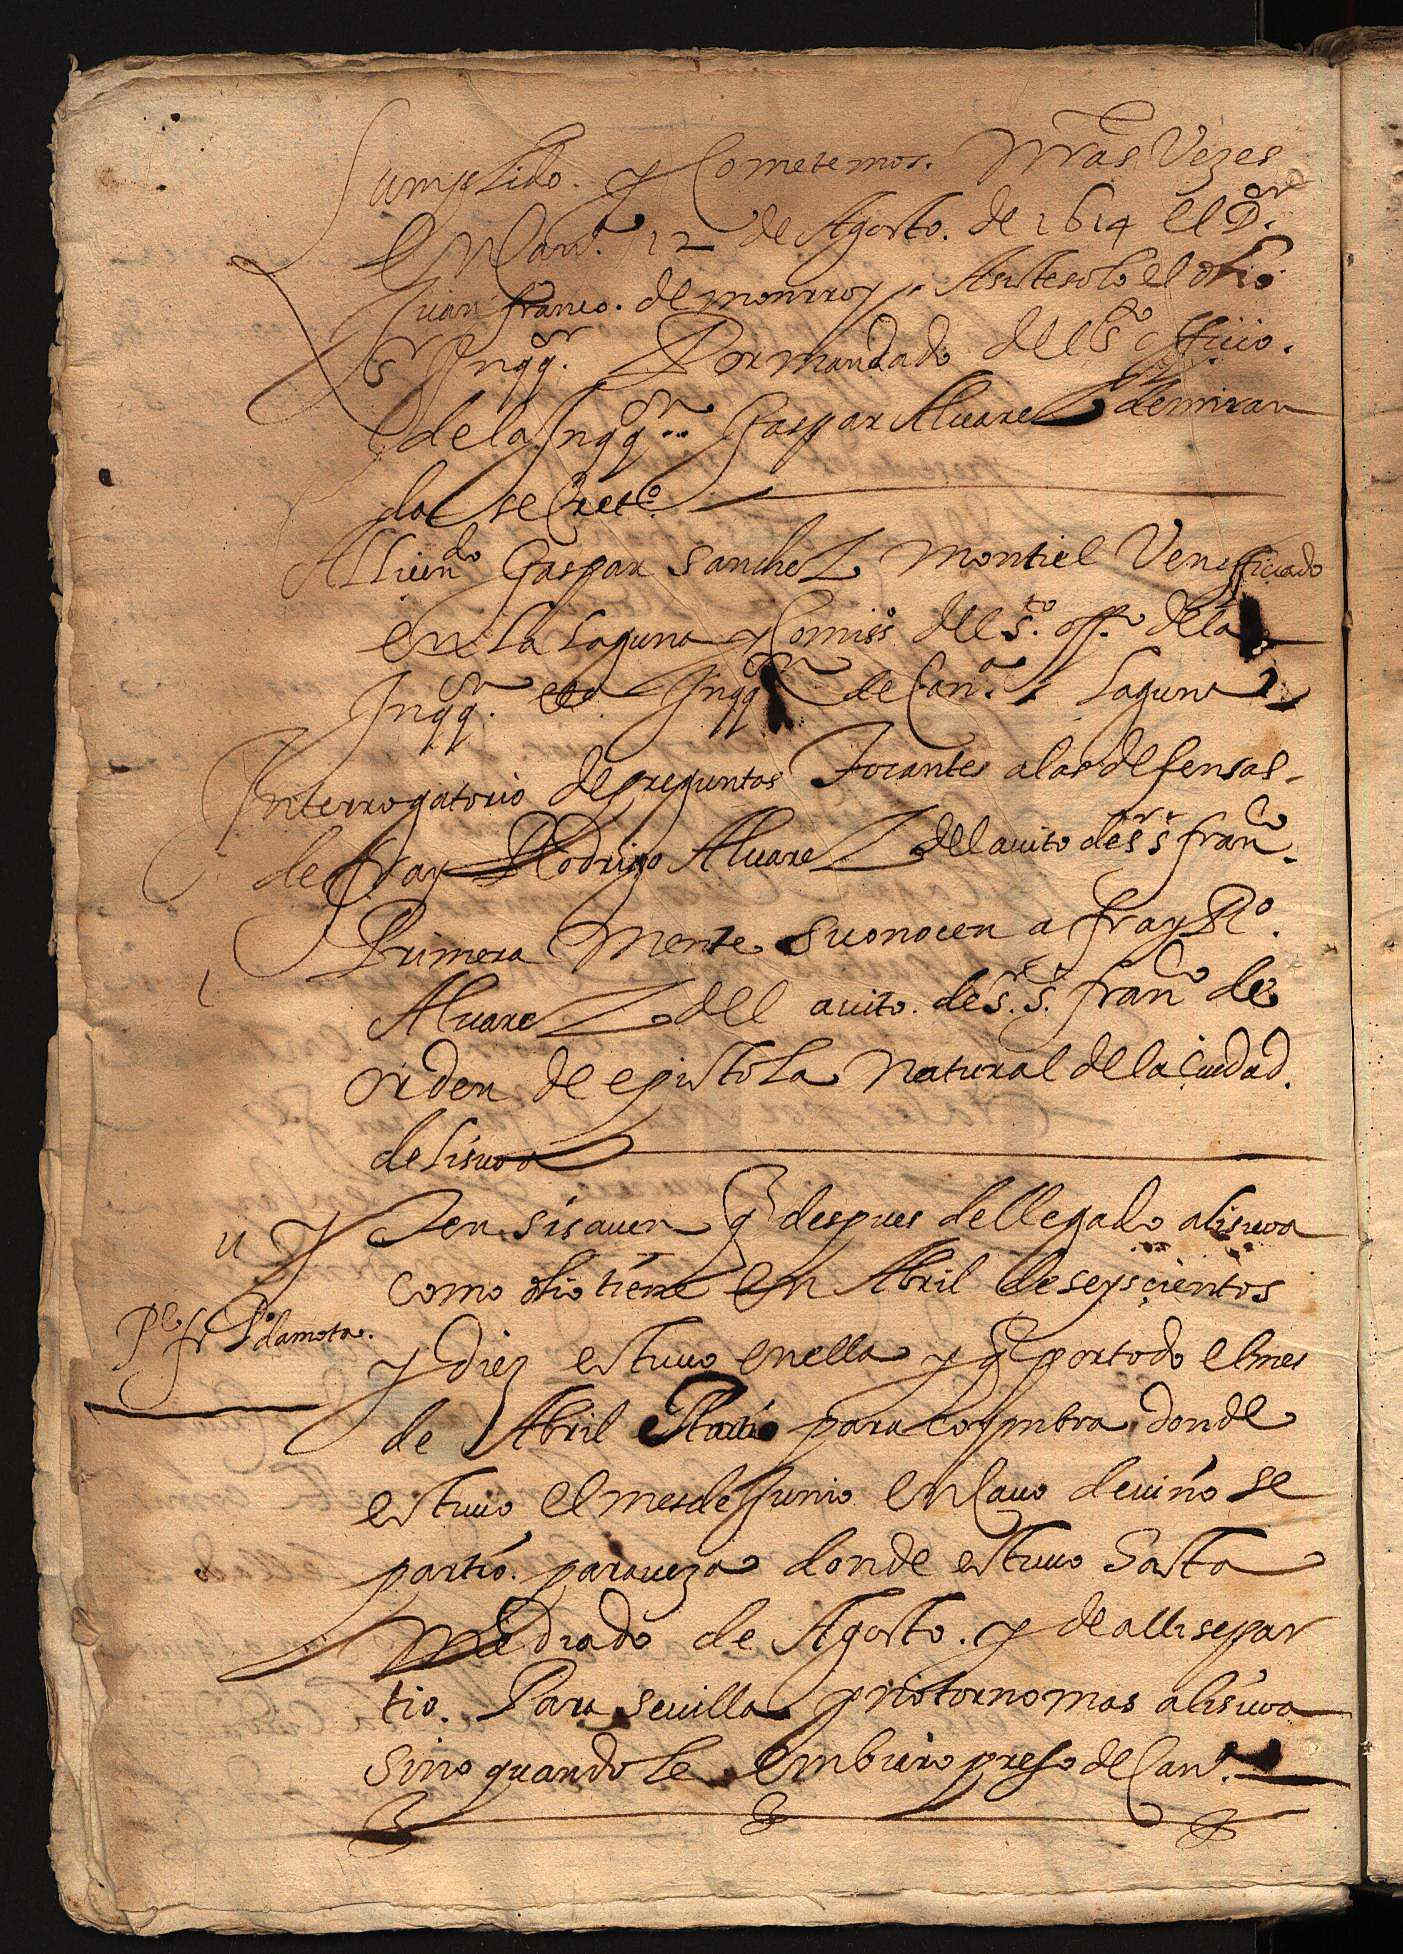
Cumplido y Cometemos. nr̄as vezes
en Can.a 12 de Agosto de 1614 el D.or
Juan franco. de monrroy. Ante solo el dho
sr Jnqq.or Por mandado del sto officio.
de la Jnqq.on Gaspar Aluarez de miran
da secreto.
Alluindo Gaspar sancheZ montiel Venefficiado
en la laguna y Comisso del s.to off.o de la
Jnqq.on eta Jnqqon de Can.a Laguna
Jnterrogatorio de preguntas tocantes a las defensas
de fray Rodrigo AluareZ del auito de sr st fran.co
I
Primeramente si conocen a fray Ro.
AluareZ del auito de s.r s.t fran.co de
orden de epistola natural de la ciudad
de lisuoa
yten si sauen q̄ despues dellegado a lisuoa
como dho tiene en Abril de seyscientos
Pe fr Po da mota.
y diez estuuo en ella y q̄ por todo el mes
de Abril Partio para coymbra donde
estuuo el mes de Junio en Cauo de uino se
partio para ueza donde estuuo hasta
mediado de Agosto. y de alli se par
tio. Para seuilla y no torno mas a lisuoa
sino quando le embiaro preso de Can.a
